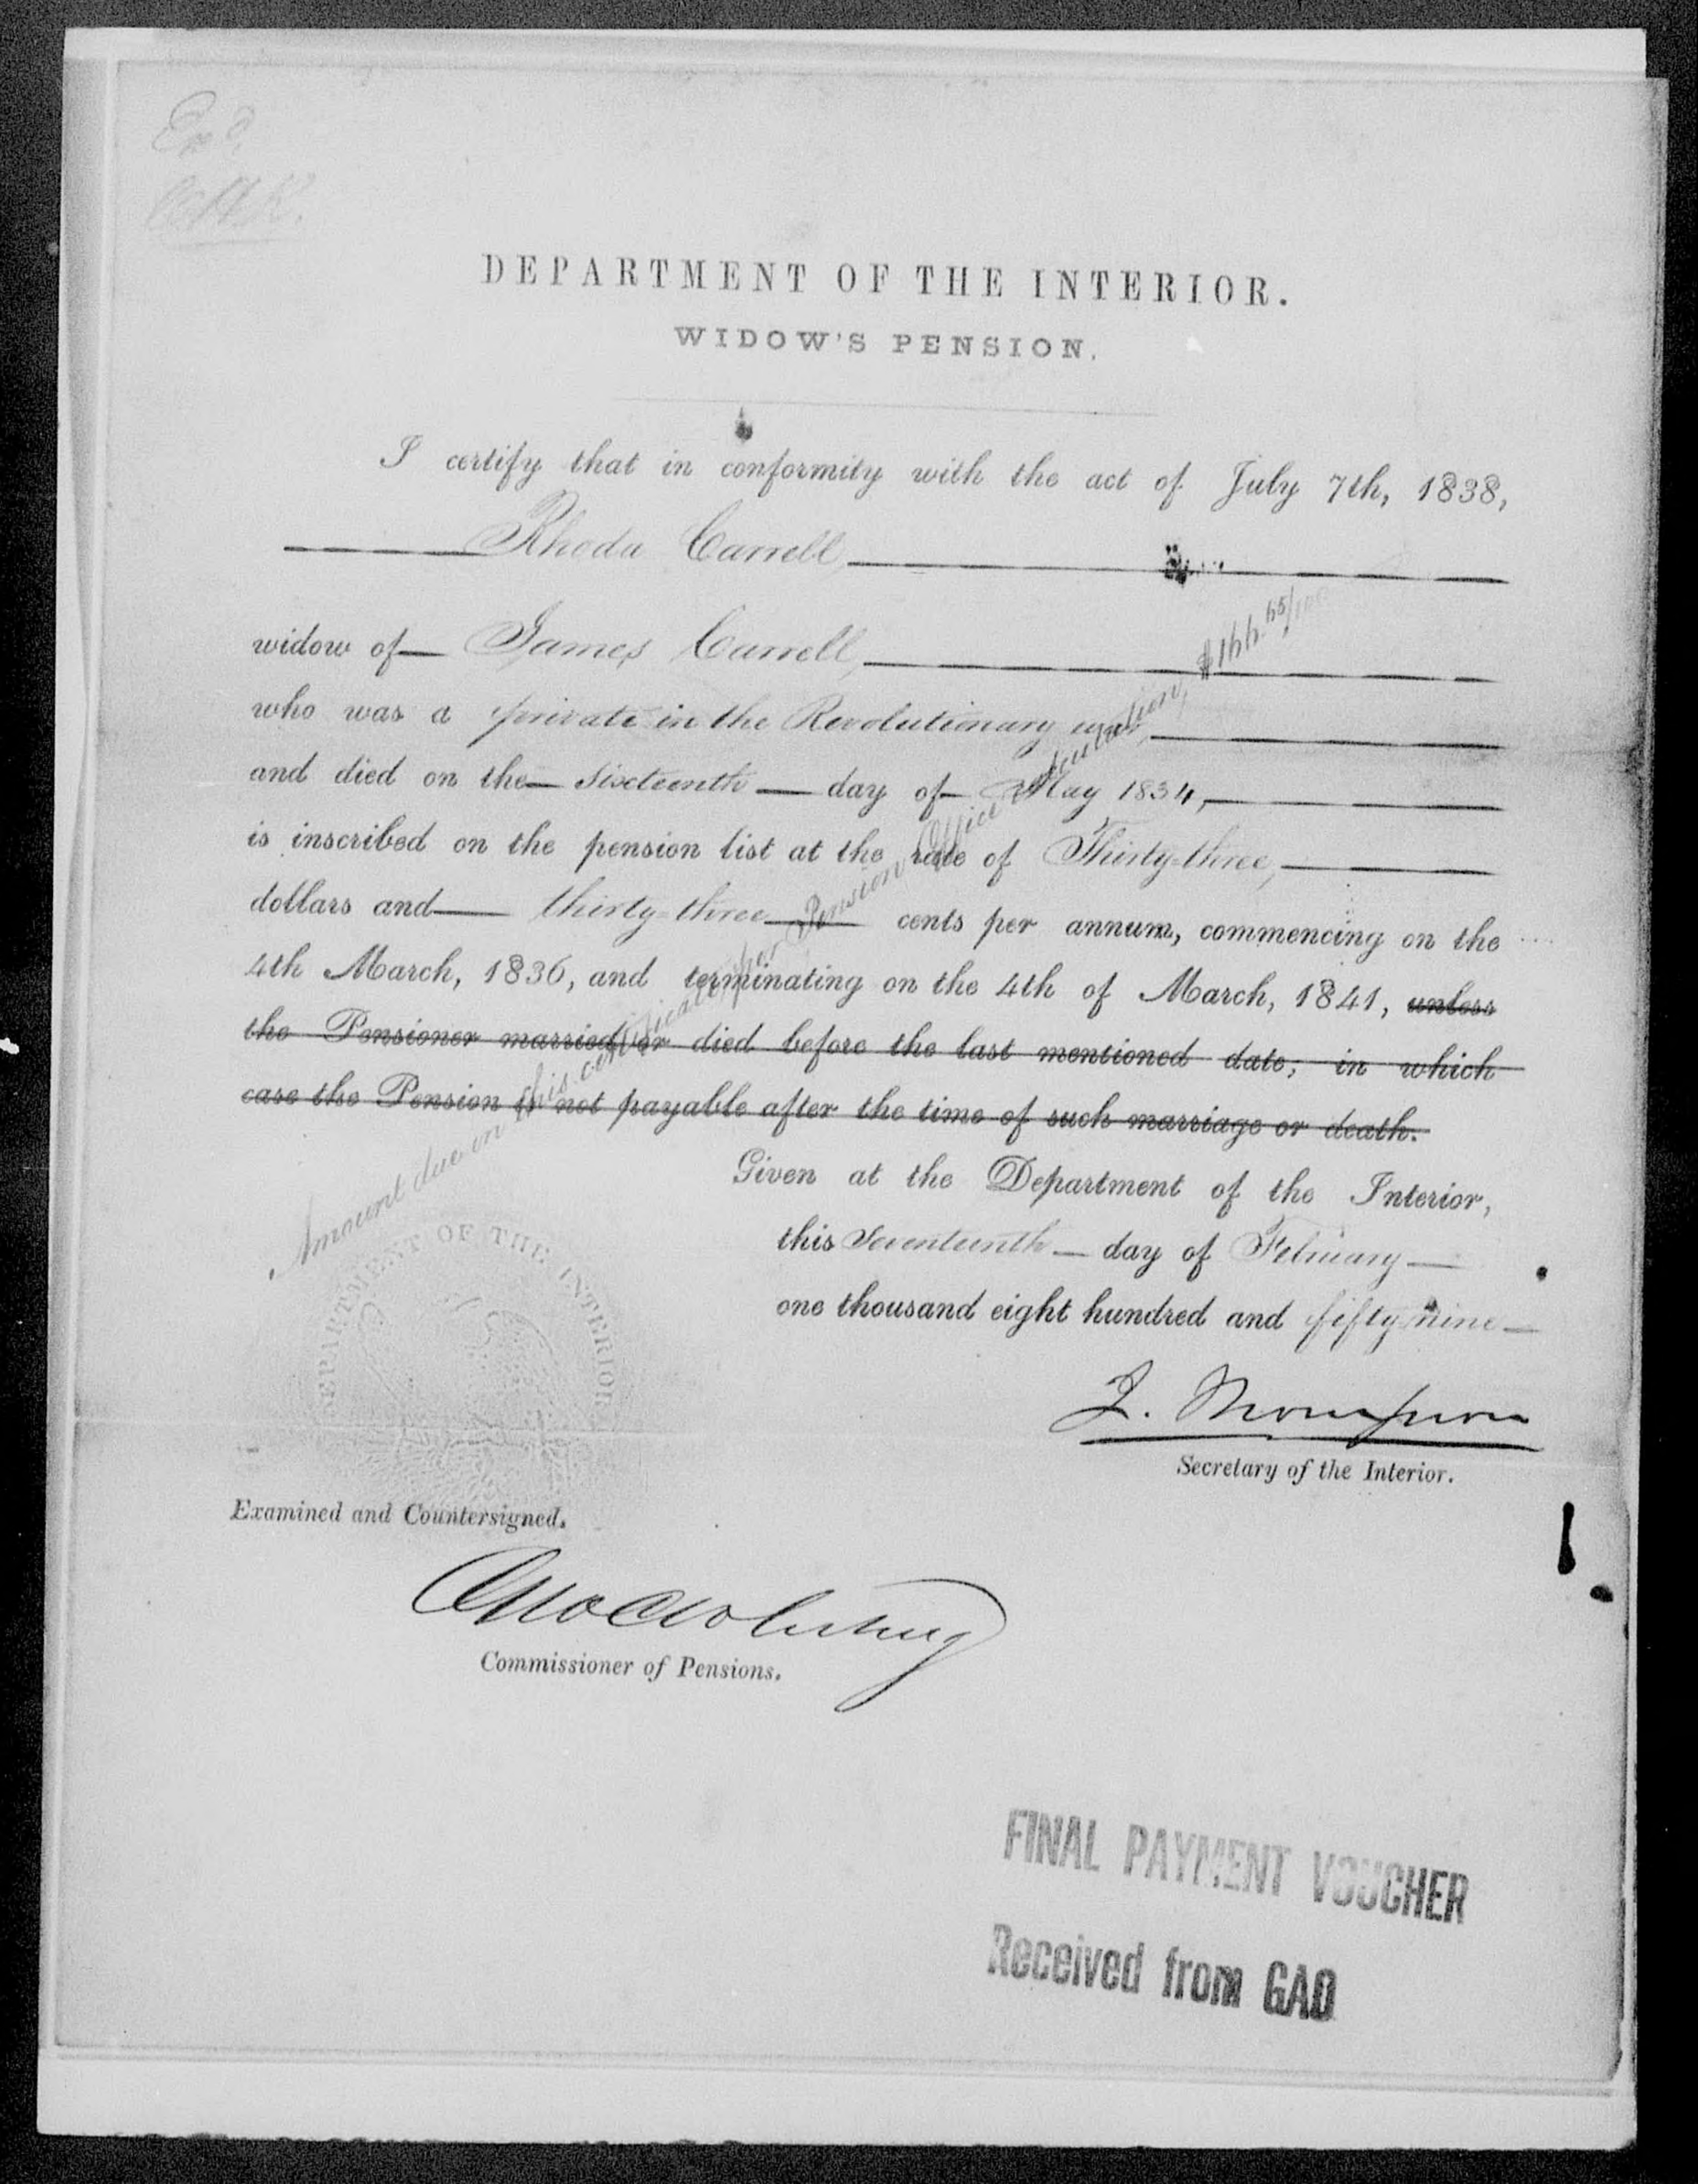[illegible]

DEPARTMENT OF THE INTERIOR
WIDOW'S PENSION

I certify that in conformity with the act of July 7th, 1838, 
Rhoda Carrell
widow of James Carrell
who was a private in the Revolutionary War
and died on the sixteenth day of May 1834
is inscribed on the pension list at the rate of Thirty-three
dollars and thirty- three cents per annum, commencing on the
4th March, 1836, and terminating on the 4th March, 1841, [crossed out- unless the Pensioner married or died before the last mentioned date, in which case the Pension is not payable after the time of such marriage or death.]

Given at the Department of the Interior,
this seventeenth day of February 
one thousand eight hundred and fifty nine.
J. Thompson
Secretary of the Interior

Examined and Countersigned,
Geo C. whiting
Commissioner of Pensions.

[written diagonally across letter]
Amount due in this certificate per Pension Office [illegible] $166.65/100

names: J Thompson, James Carrell, Geo C Whiting, Rhoda Carrell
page: 63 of 86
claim: widow's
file: W. 6899, James Carrell, N.C.